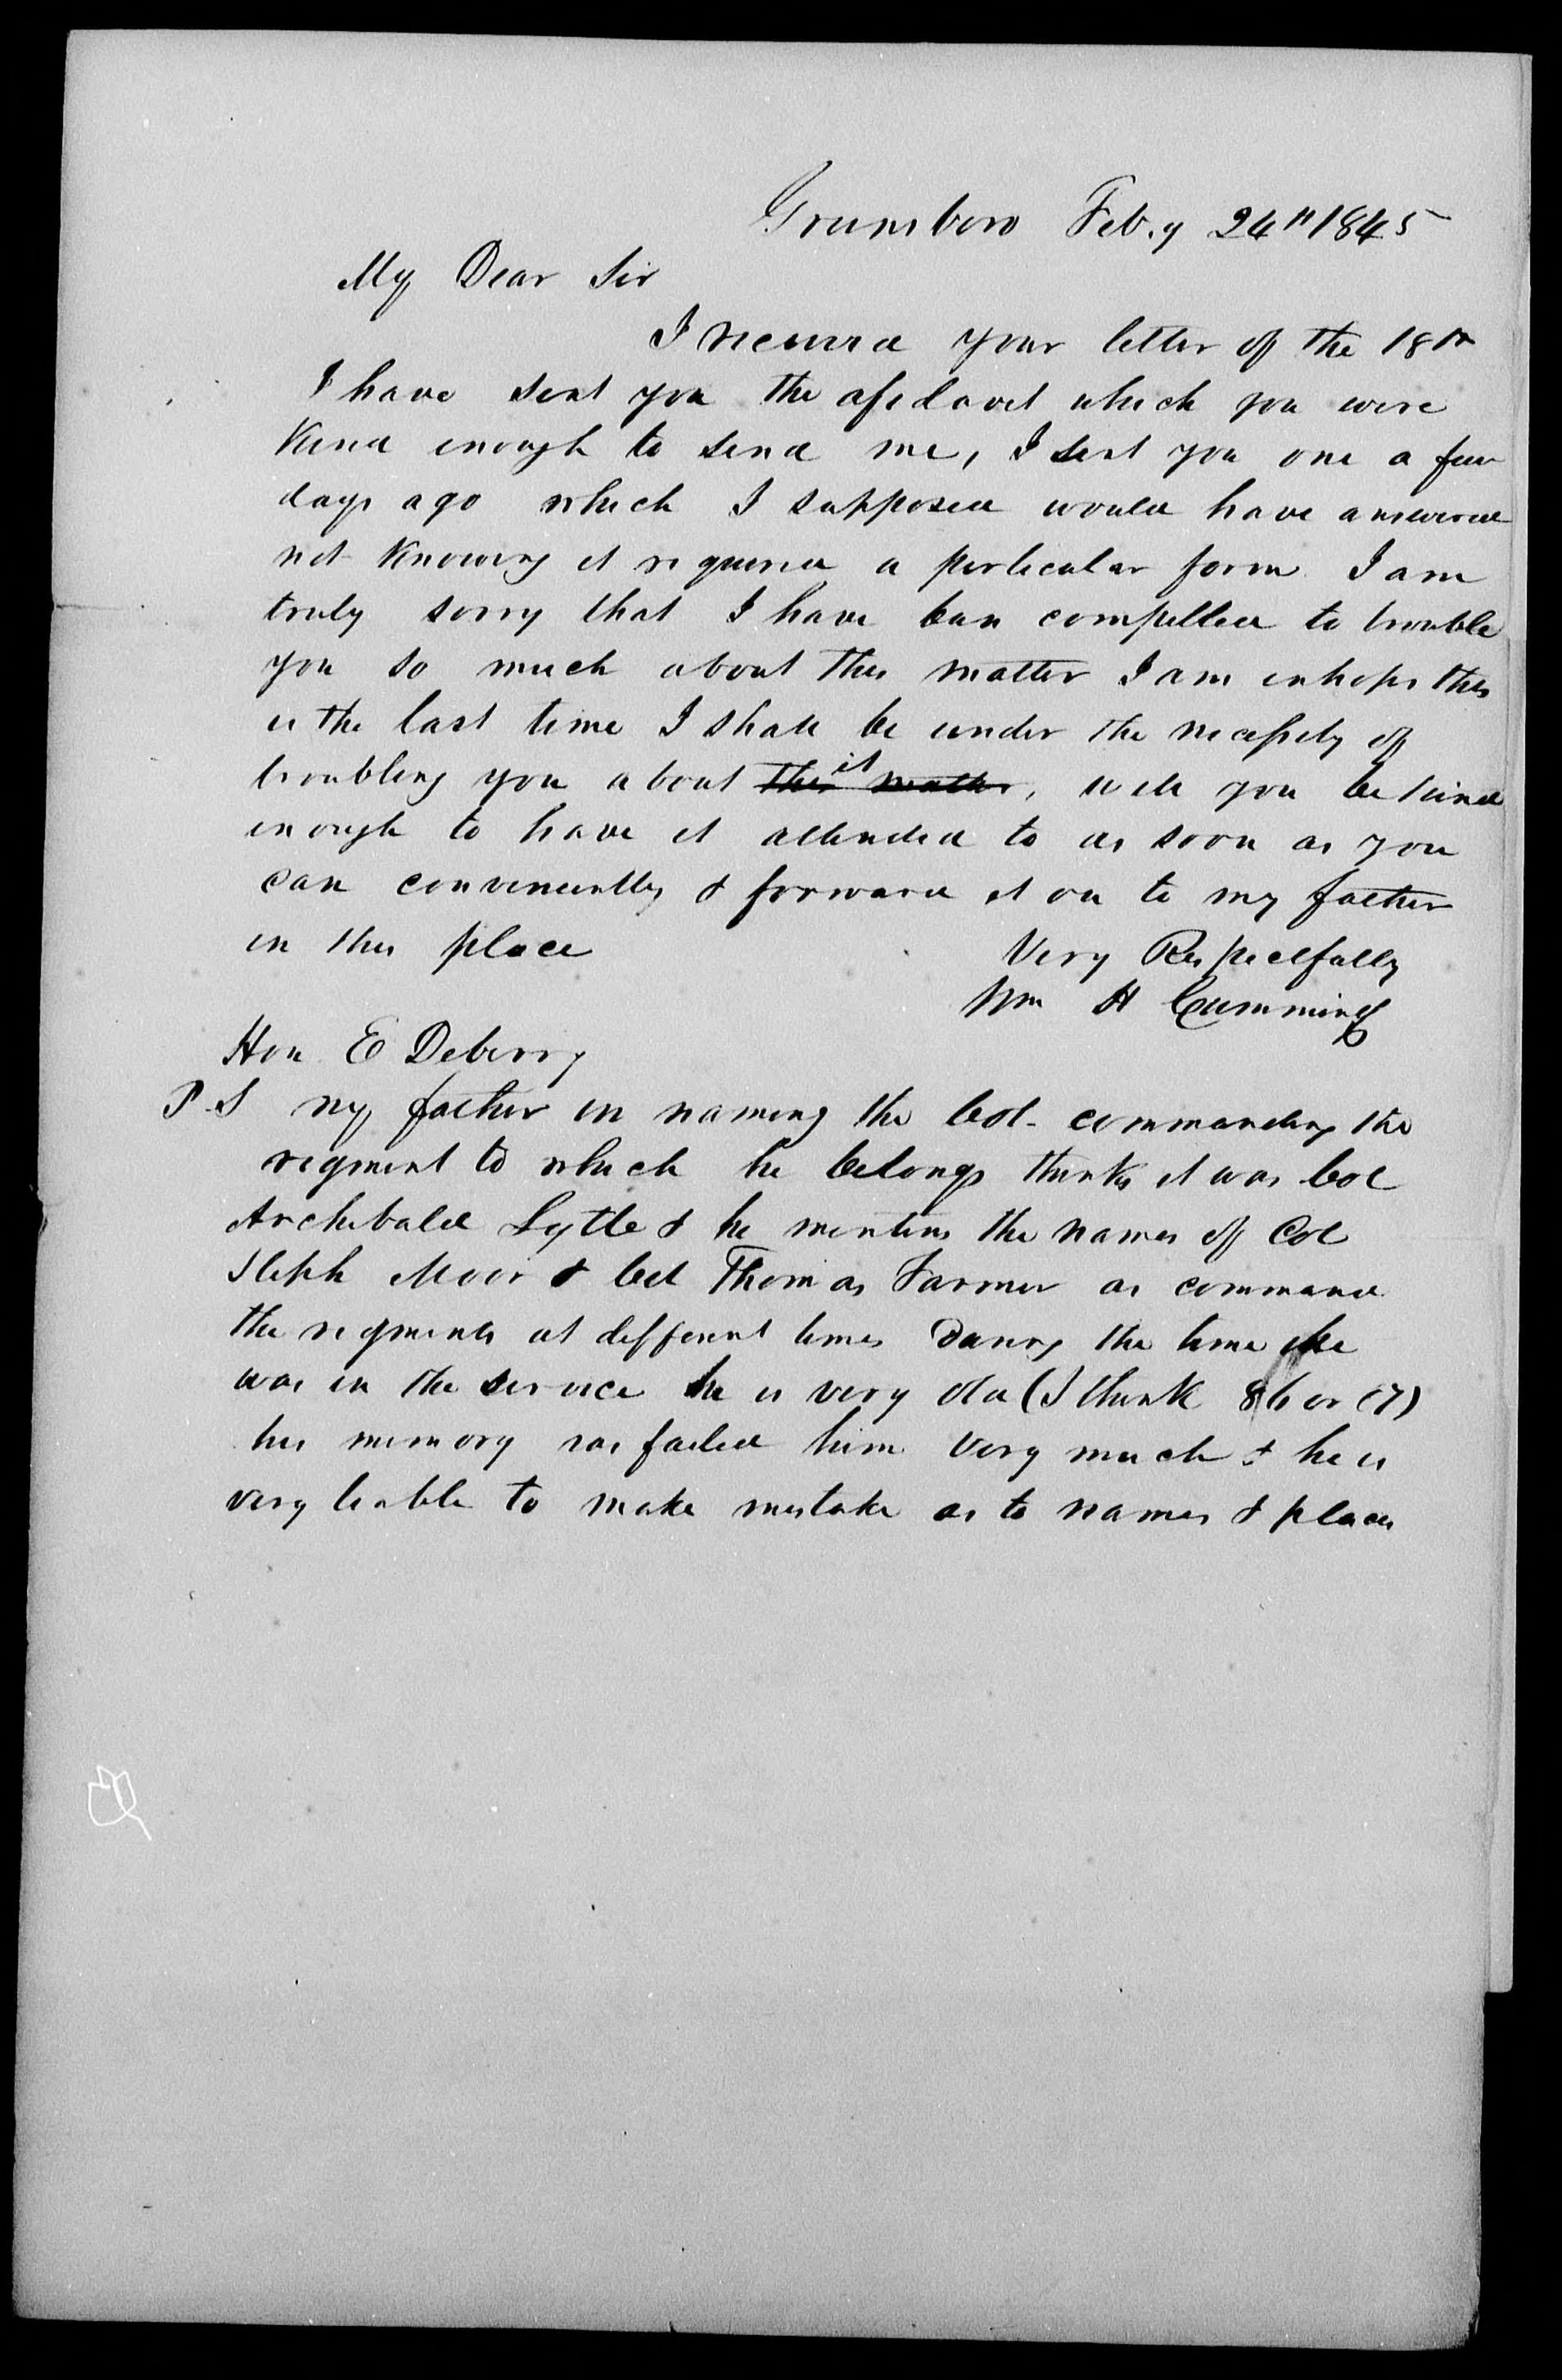[Handwritten letter. Occasional spacing has been included to make the text block easier to read.]

Greensboro Feb.y [February] 24th 1845

My Dear Sir

I received your letter of the 18th [probably meaning Feb. 18, 1845]  I have sent you the afidavit [affidavit] which you were Kind enough to Send me, I Sent you one a few days ago which I supposed would have answered not Knowing it [?] required a perticular [particular] form.  

I am truly sorry that I have been compelled to trouble you So much about this Matter  I am in hopes this is the last time I shall be under the necessity of troubling you about [here "this matter" is stricken through, and] ^it [was written above]  will you be kind enough to  have it attended to as soon as you can conveniently and forward it on to my father in this place

Very Respectfully
Wm H Cumming [or Cummings]

Hon E Deberry

PS  my father in naming the Col. commanding the regment [regiment] to which he belongs thinks it was Col Archibald Lytle and he mentins [mentions] the names of Col Steph Moor and Col Thomas Farmer as command. the rigments [regiments] at different times [?] during the time he was in the Service  he is very old (I think 86 or 87) his memory was [? or so] failed him Very much and he is very liable to make mistake as to names and places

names: Wm H Cummings, Archibald Lytle, Steph Moor, E Deberry, Thomas Farmer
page: 129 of 145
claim: survivor's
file: S. 8265, William Cumming, N.C.